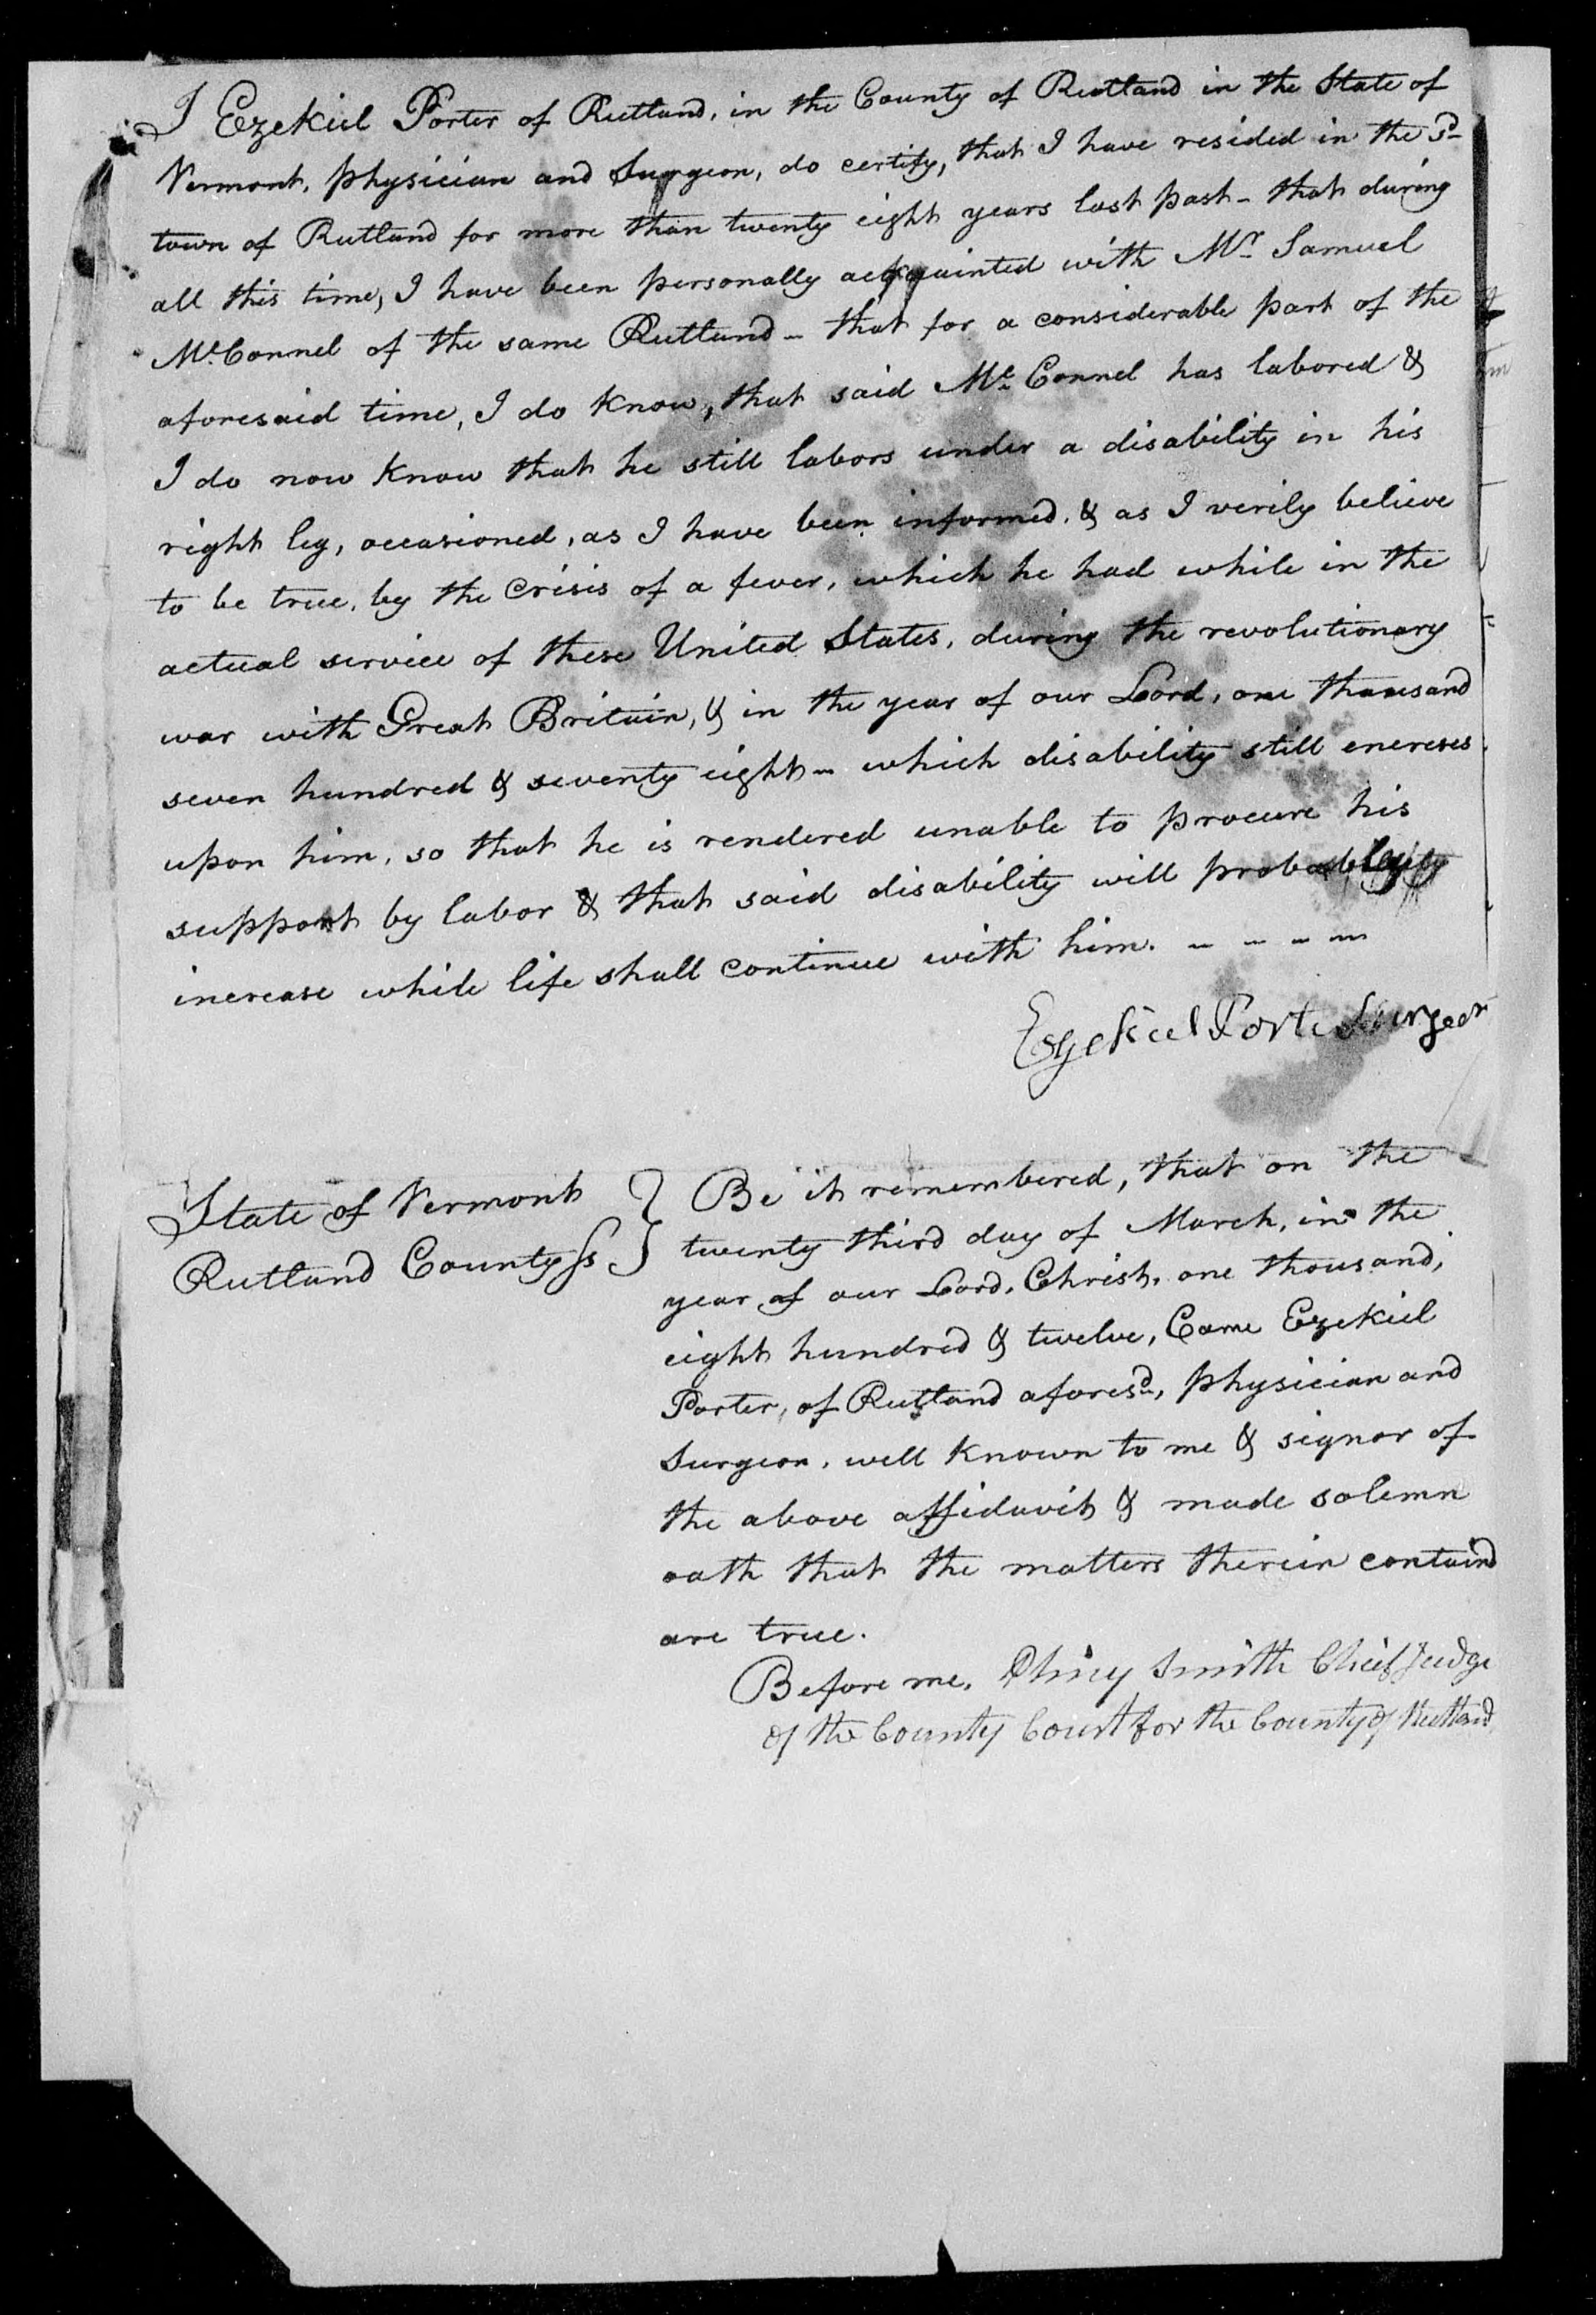I Ezekiel Porter of Rutland, in the County of Rutland in the State of Vermont, physician and Surgeon, do certify, that I have resided in the s'd town of Rutland for more than twenty eight years last past - that during all this time, I have been personally acquainted with Mr. Samuel McConnel of the same Rutland - that for a considerable part of the aforesaid time, I do know, that said McConnel has labored & I do now know that he still labors under a disability in his right leg, occasioned, as I have been informed, & as I verily believe to be true, by the crisis of a fever, which he had while in the actual service of these United States, during the revolutionary war with Great Britain, & in the year of our Lord, one thousand seven hundred & seventy eight - which disability still enerves upon him, so that he is rendered unable to procure his support by labor & that said disability will probably increase while life shall continue with him. - 
/s/Ezekiel Porter Surgeon
State of Vermont
Rutland County ss} Be it remembered, that on the twenty third day of March, in the year of our Lord, Christ, one thousand, eight hundred & twelve, Came Ezekiel Porter, of Rutland afores'd physician and Surgeon, well known to me  & signer of the above affidavit & made solemn oath that the matters therein contain'd are true.
Before me, /s/Pliny Smith Chief Judge of the County Court for the County of Rutland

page: 14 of 18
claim: survivor's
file: S. 41,827, for Samuel Mc Connel, Vermont